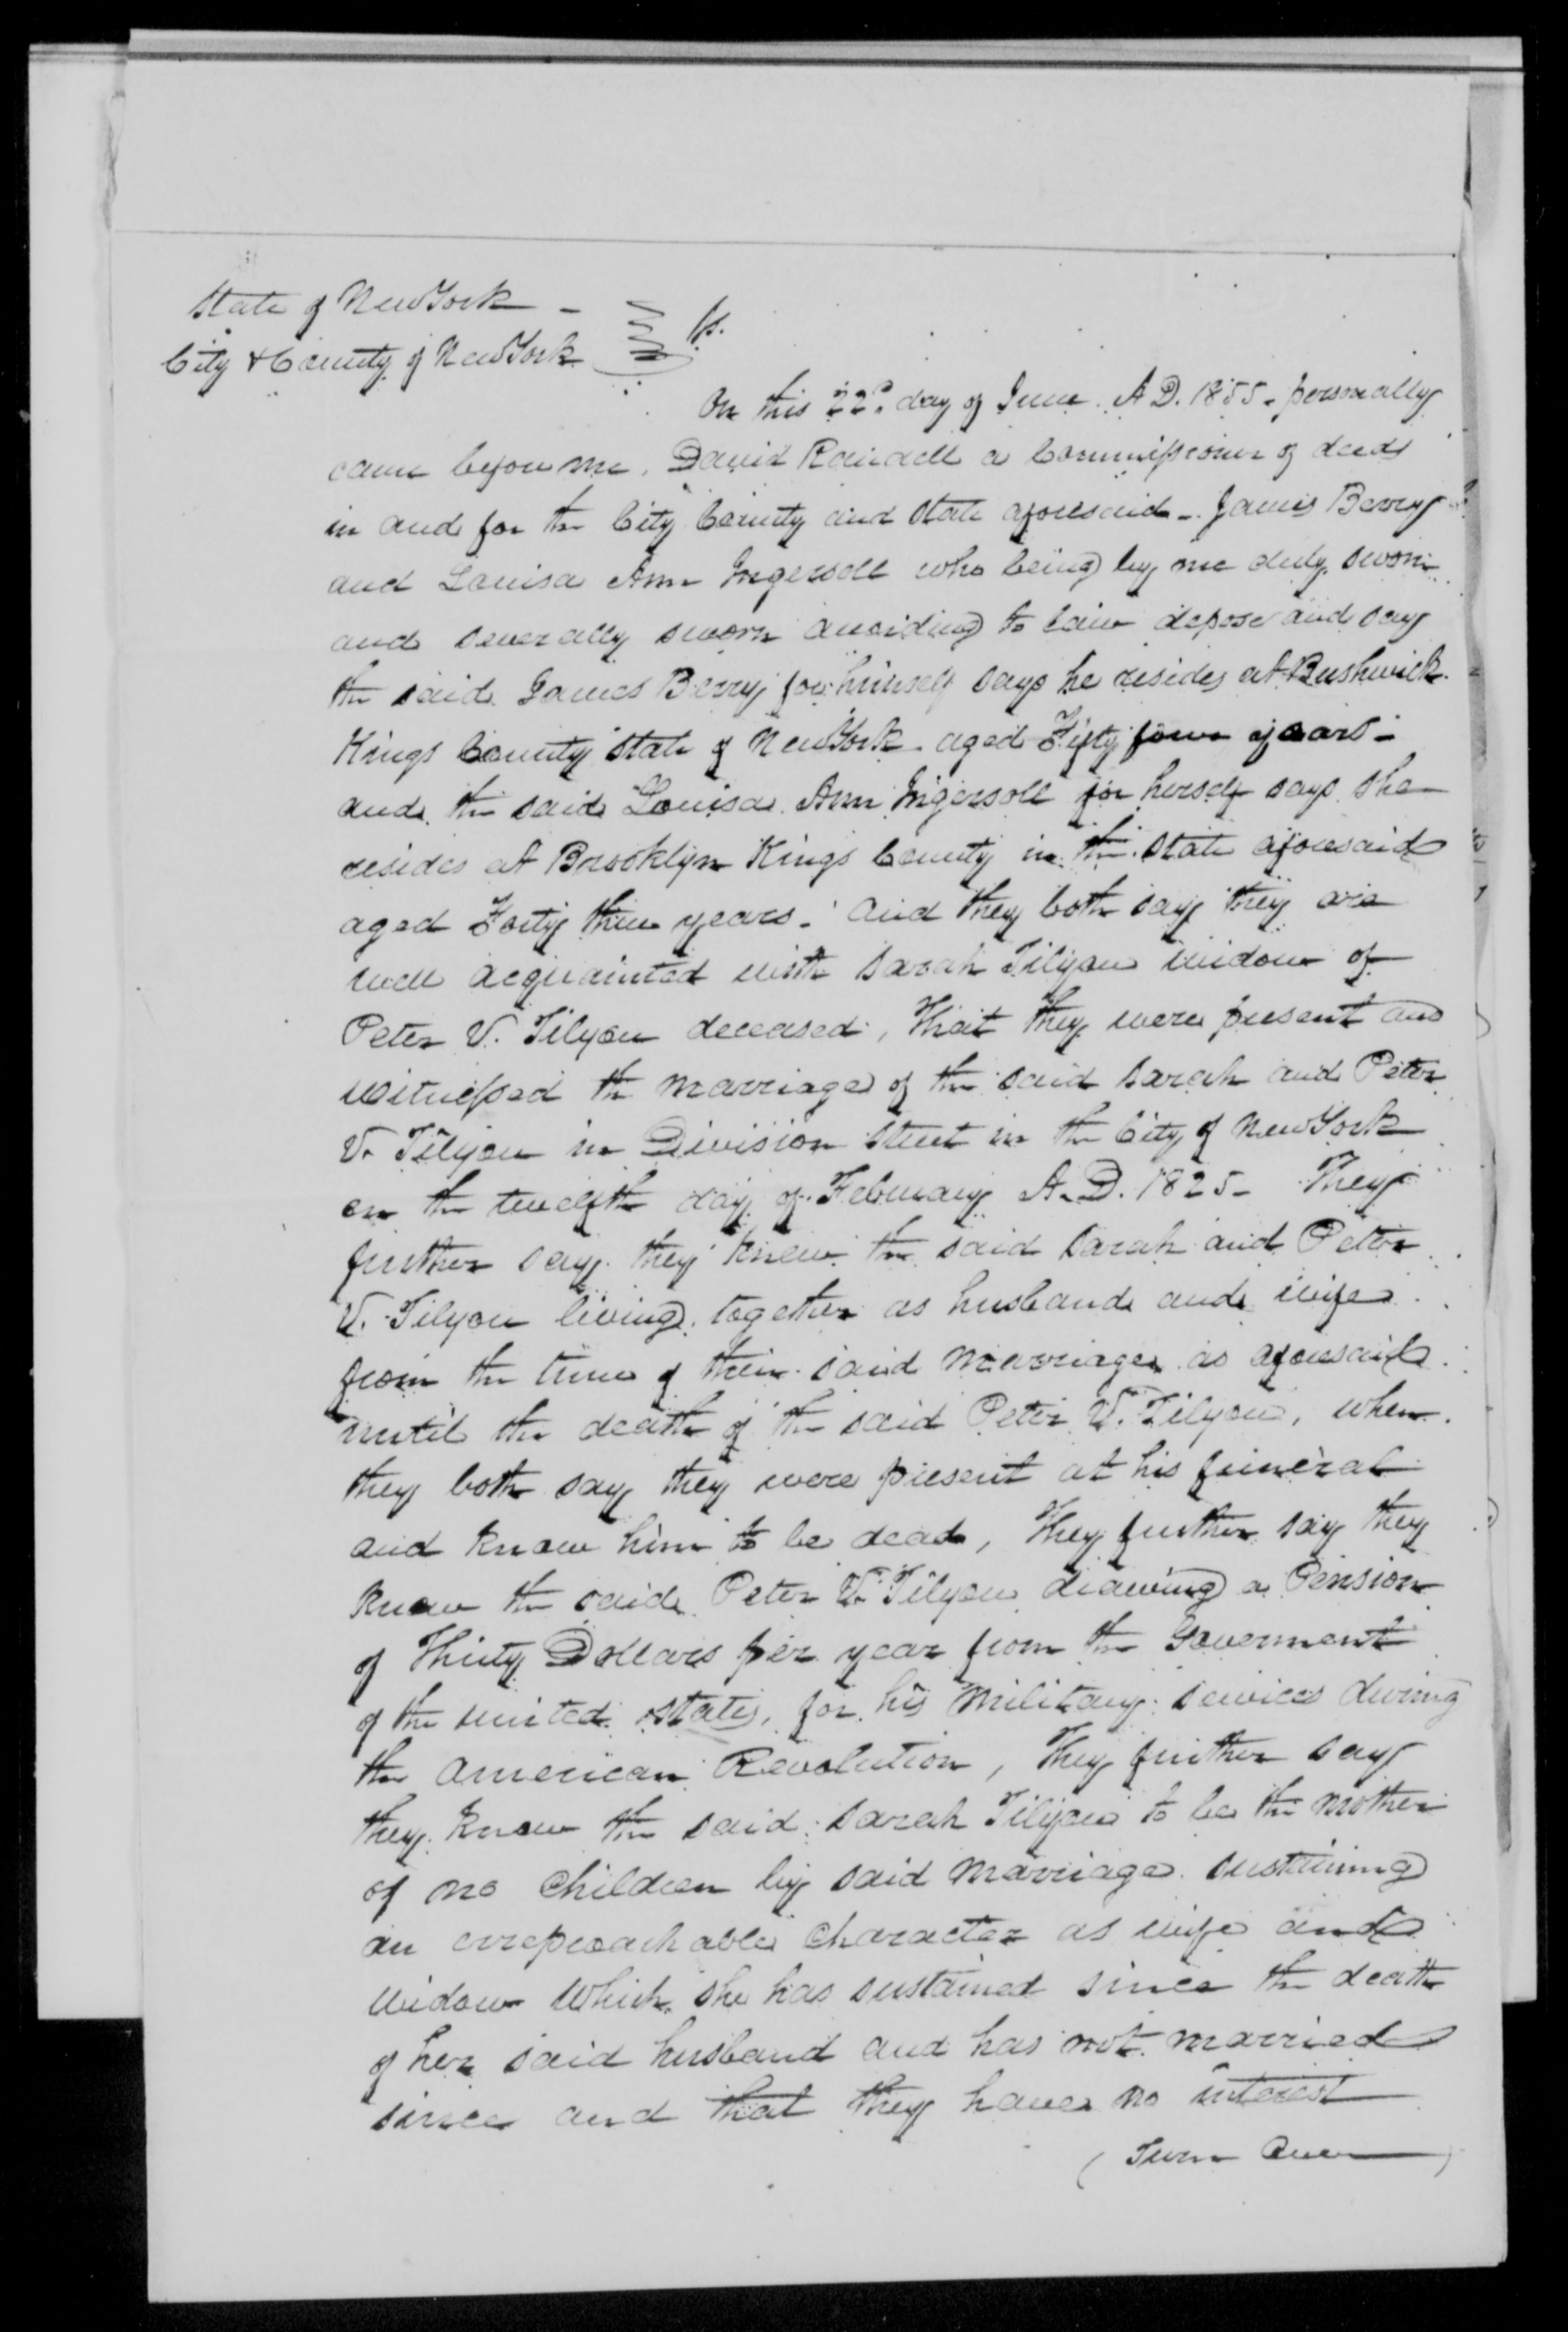State of New York
City and County of New York }SS
            On this 22 day of June 1855, personally came before me, David Randell a Commissioner of deeds in and for the City County and State aforesaid, James Berry and Louisa Ann Ingersoll who being by me duly sworn and severally sworn according to law depose and say. The said James Berry for himself says he resides at Bushwick Kings County State of New York aged Fifty four years_and the said Louisa Ann Ingersoll for herself says she resides at Brooklyn Kings County State of New York in the state aforesaid aged forty three years. And they both say they farewell acquainted with Sarah Tilyou widow of Peter V. Tilyou deceased. That they were present and witnessed the marriage of the said Sarah and Peter V. Tilyou in Division Street in the City of New York on the twelfth day of February A.D. 1835. They further say they knew the said Sarah and Peter V, Tilyou living together as husband and wife from the time of their said marriages as aforesaid. Until the death of the said Peter V. Tilyou, when they both say they were present at his funeral and know him to be dead. They further say they know the said Peter V. Tilyou drawing a pension of Thirty Dollars per year from the Government of the United States for his Military services during the American Revolution. They further say they know the said Sarah Tilyou to be the mother of no children by said marriage sustaining an irreproachable character as wife and widow which she has sustained since the death of her said husband and has not married since and that they have no interest            (turn over)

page: 16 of 101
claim: widow's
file: W. 25481, for Peter V Tilyou, New Jersey